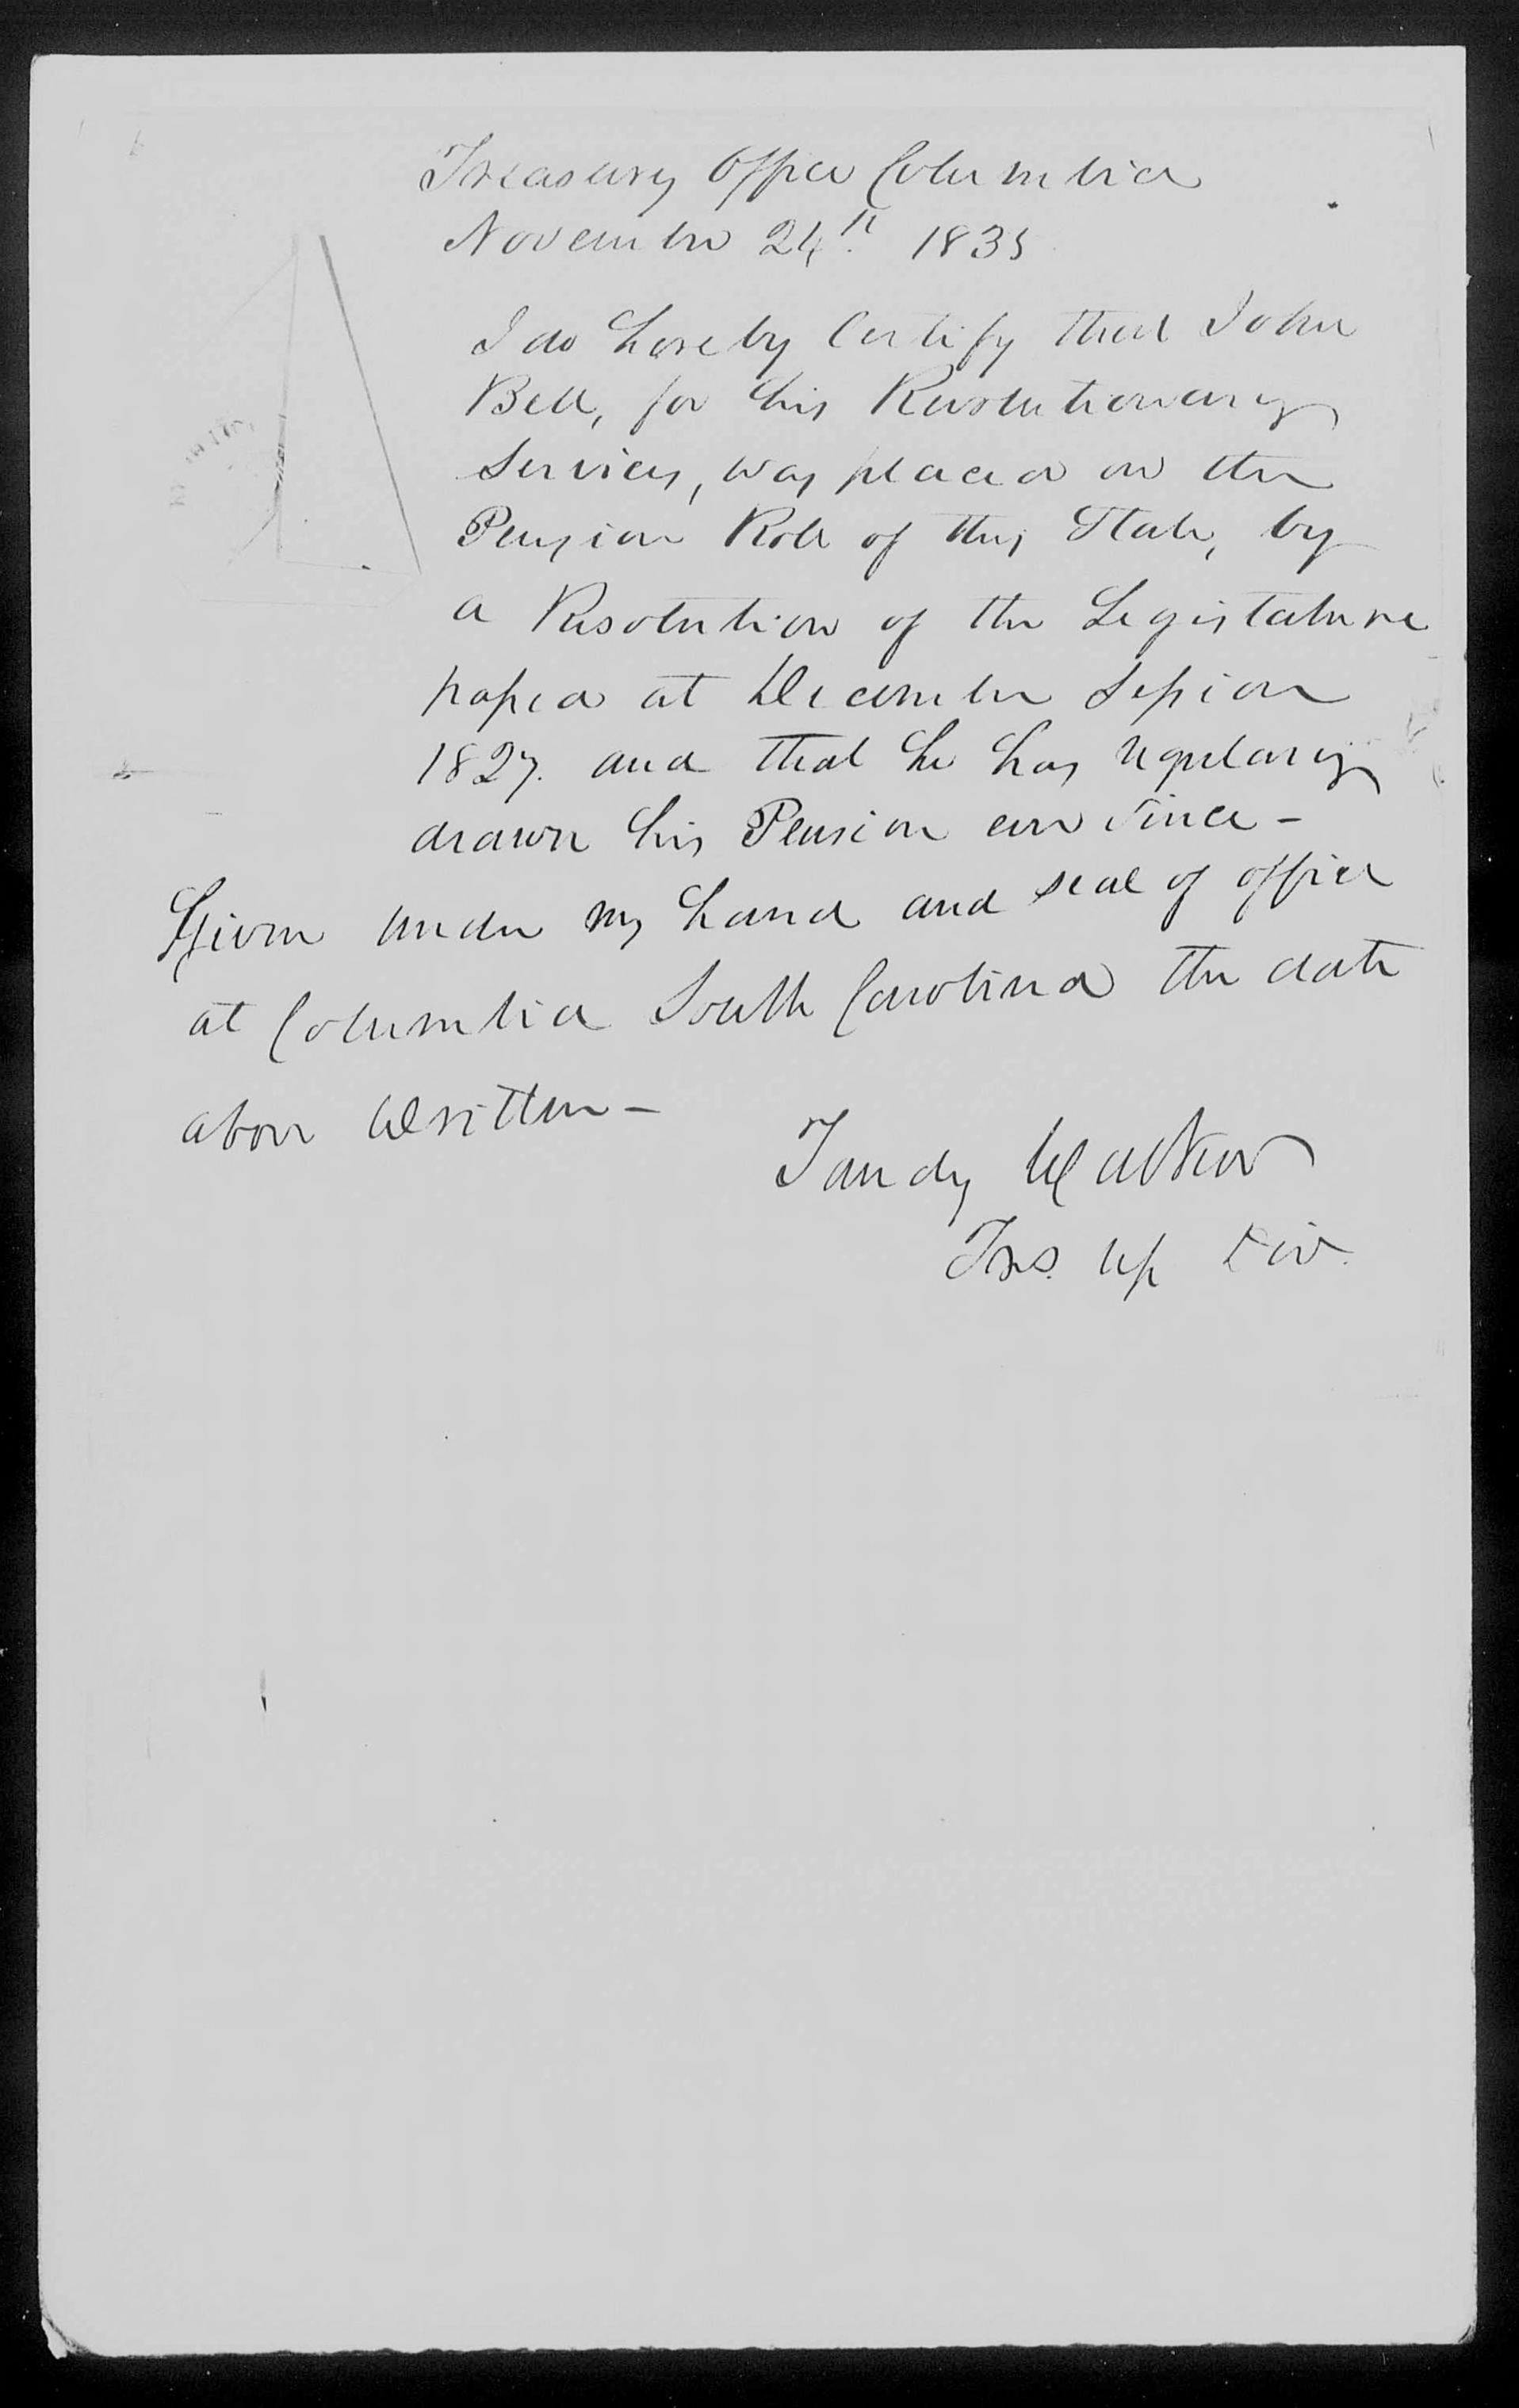Treasury Office Columbia November 21st 1835 I do hereby certify that John Bell, for his Revolutionary Services , was placed on the Pension Roll of this State , by a Resolution of the Legislature passed at December Session 1827 , and that he has regularly drawn his Pension ever since - Given under my hand and seal of office at Columbia  South Carolina the date above written. Tandy Walker ( signed )  Trs ry Div.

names: Tandy Walker, John Bell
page: 11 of 23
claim: survivor's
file: S. 21068, John Bell, Ga. N. C. S. C.